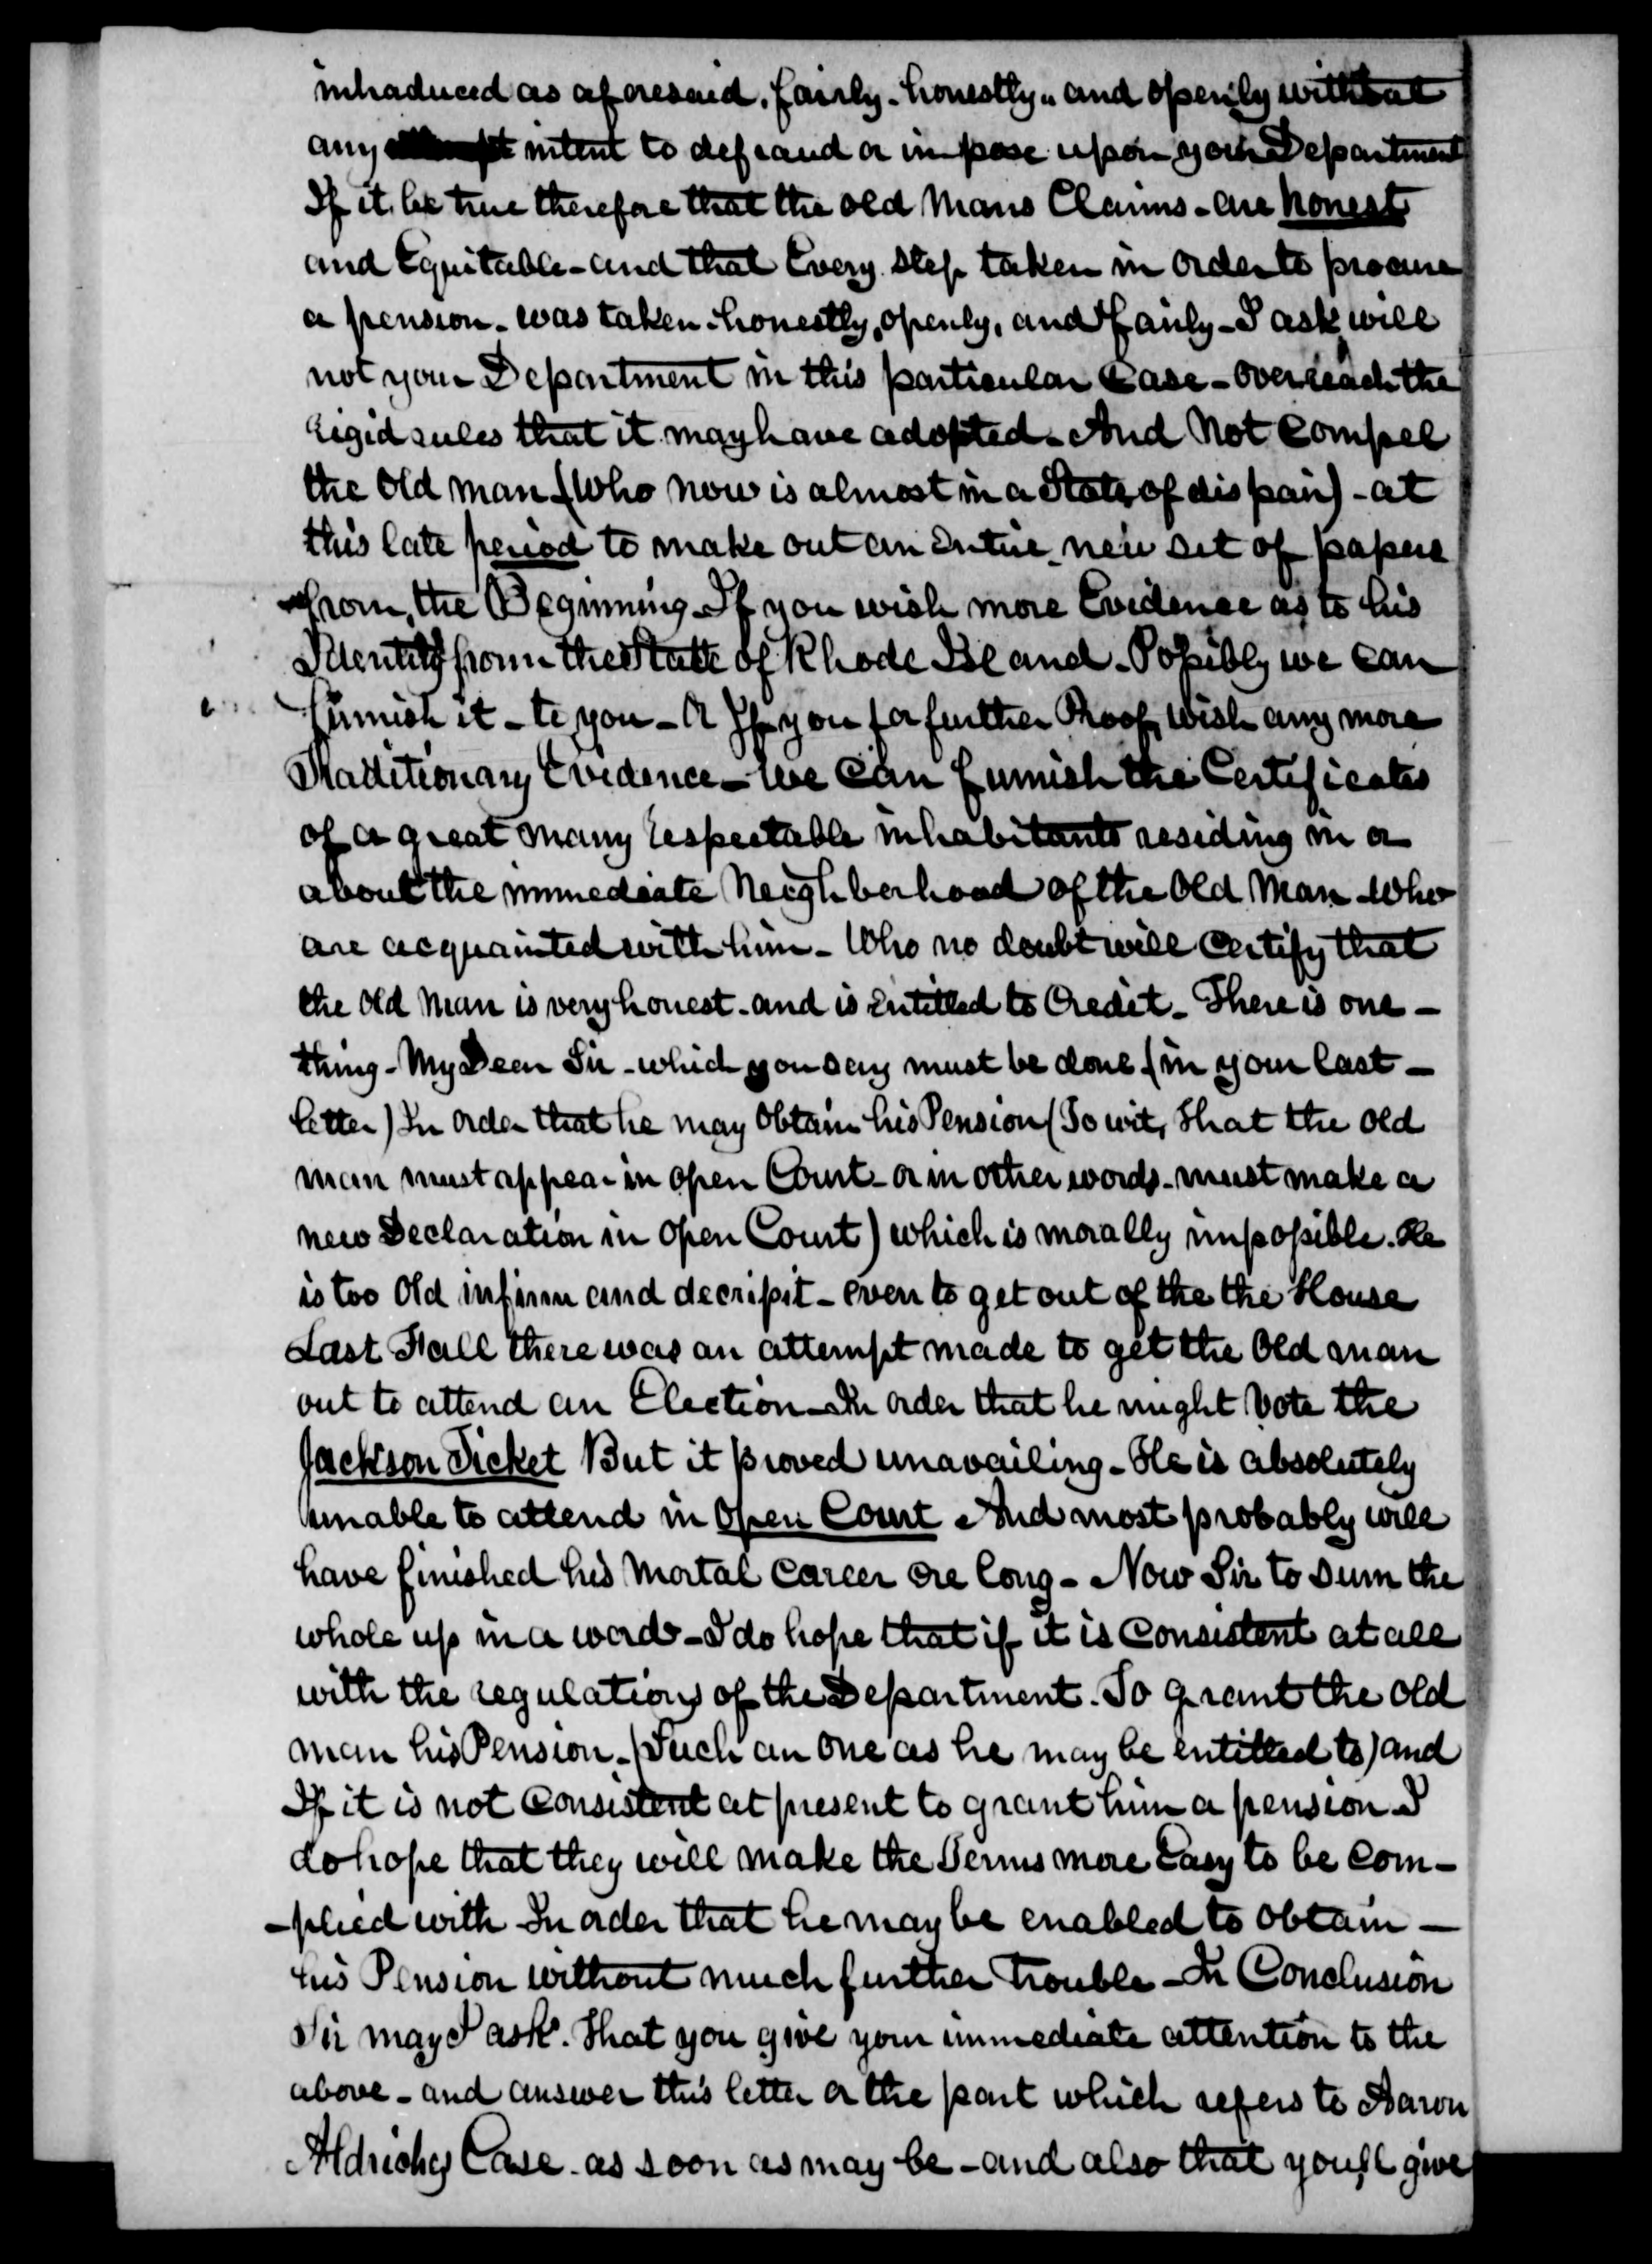introduced as aforesaid, fairly, honestly, and openly without any intent to defraud or impose upon your Department. If it be true therefore that the Old Mans Claims are honest and Equitable and that every step taken in order to procure a pension was taken honestly, openly, and fairly - I ask will not your Department in this particular case overreachd the rigid rules that it may have adopted. And not Compel the Old Man (who now is almost in a State of dispair [despair]) at this late period to make out an entire new set of papers from the Beginning.   If you wish more Evidence as to his Identity from the State of Rhode Island Possibly we can
furnish it- to you- or if you for further proof wish any more Tradtitionary Evidence- we can furnish the Certificates of a great many respectable inhabitants residing in or about the immediate neighborhood of the Old Man- who
are acquainted with him- Who no doubt will certify that the Old Man is very honest- and is entitled to credit. There is one thing My Dear Sir which you say must be done (in your last letter) In order that he may obtain his Pension (To wit, That the old man must appear in open Court, or in other words must make a new Declaration in open Court) which is morally impossible. He
is too old infirm and decrepit, even to get out of the the House. Last fall there was an attempt made to get the old man out to attend an Election in order that he might vote the Jackson Ticket But it proved unavailing- He is absolutely
unable to attend in open Court  And most probably will have finished his mortal career ere long-  Now Sir to sum the whole up in a word - I do hope that if it is consistent at all with the regulations of the Department to grant the old
man his Pension (such an one as he may be entitled to) and If it is not consistent at present to grant him a pension I do hope that they will make the Terms more Easy to be complied
with In order that he may be enabled to obtain
his Pension without much further trouble. In conclusion Sir may I ask. That you give your immediate attention to the above, and answer this letter of the part which refers to Aaron
Aldrich's Case as soon as may be- and also that you'll give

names: Aaron Aldriches; Jackson Ticket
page: 32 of 35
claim: rejected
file: R. 9601, for John Simson, New Jersey